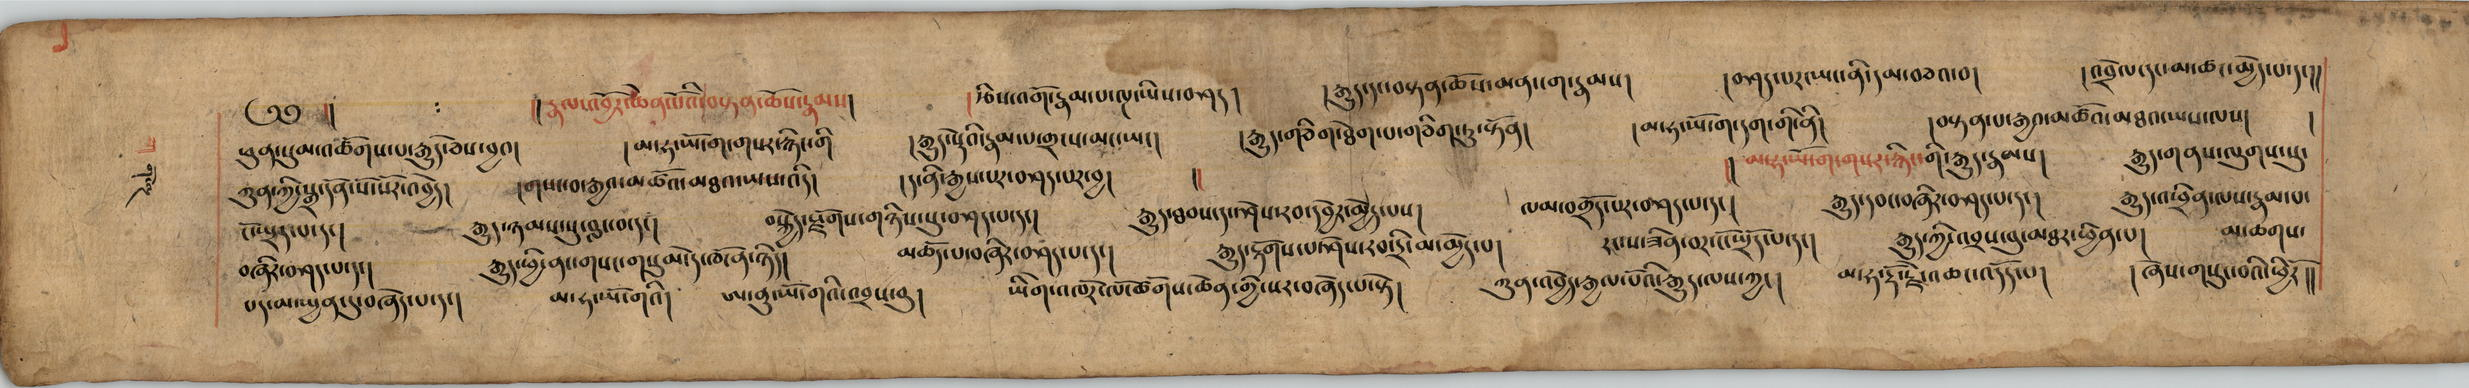༄༅ །། །།རྣལ་འབྱོར་ཆེན་པོའི་བསྟན་ཆོས་རྣམས། །རྩོས་འགོ་རྣམ་པ་ལྔ་ཡིས་བཤད། །རྒྱུད་དང་བསྟན་ཆོས་མན་ངག་རྣམས། །བཤད་པར་ཡང་ནི་དམ་བཅའ་བ། །འབྲེལ་དང་མ་ཚང་མྱེད་པ་དང་།།
ཕུན་སུམ་འཚོགས་པ་རྒྱུད་ཅེས་བྱའ། །མ་ཧ་ཡོ་ག་གསར་རྙིང་གི །རྒྱུད་སྡེའི་རྣམ་པ་གྲངས་མང་ཡང། །རྒྱུད་གཅིག་ཐེག་པ་གཅིག་ཏུ་སྟོན། །མ་ཧ་ཡོ་ག་དག་གི་ནི། །བསྟན་པ་རྒྱའ་མཚོའ་མཐའ་ཡས་ལས།
ཀུན་གྱི་སྒྲ་དོན་སོ་སོར་འབྱེད། །གསང་བ་རྒྱའ་མཚོའ་མཐའ་ཡས་འདི། །ད་ནི་རྒྱས་པར་བཤད་པར་བྱ། །། །།མ་ཧ་ཡོ་ག་གསར་རྙིང་གི་རྒྱུད་རྣམས། རྒྱུད་གནས་ལུགས་སུ་
ངོ་སྤྲད་པ་དང། རྒྱུད་ཉམས་སུ་བླང་བ་དང། བསྐྱེད་སྫོགས་གཉིས་སུ་བཤད་པ་དང། རྒྱུད་ཐབས་དང་ཤེས་རབ་དབྱེར་མྱེད་པས། ལམ་བགྲོད་པར་བཤད་པ་དང། རྒྱུད་དབང་བཞིར་བཤད་པ་དང། རྒྱུད་འཕྲིན་ལས་རྣམ་པ་
བཞིར་བཤད་པ་དང། རྒྱུད་ཕྱི་ནང་གསང་གསུམ་དེ་ཁོ་ན་ཉིད། མཆོད་པ་བཞིར་བཤད་པ་དང། རྒྱུད་རྟོགས་པ་ཤེས་རབ་དྲི་མ་མྱེད་པ། རང་ས་ཟིན་བར་ངོ་སྤྲོད་པ་དང། རྒྱུད་ཀྱི་འབྲས་བུ་མཐར་ཕྱིན་པ། མ་ཆགས་
པད་མ་སྤྱན་དུ་བཞེད་པ་དང། མ་ཧ་ཡོ་གའི། ཨ་ནུ་ཡོ་གའི་འབྲས་བུ། ཡིགེ་འཁོར་ལོ་ཚོགས་ཆེན་གྱི་སར་བཞེད་པ་སྟེ། ཀུན་འབྱེད་རྒྱལ་པོའི་རྒྱུད་ལས་ཀྱང། མ་ཧ་རྡོ་རྗེ་འཆང་འདོད་པ། །ཞེས་གསུང་བའི་ཕྱིརོ།།